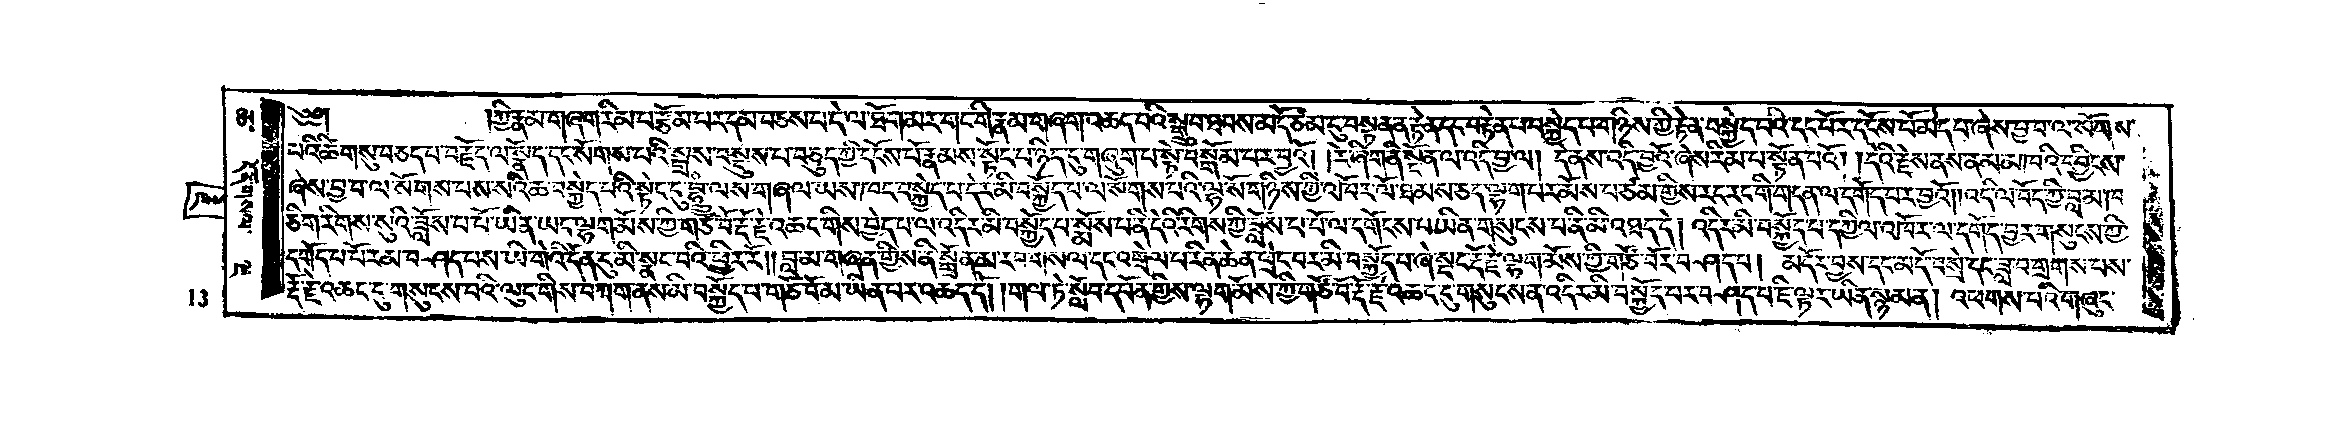༄༅། །ཀྱི་རྣམ་གཞག་རིམ་པ་རྩོམ་པར་དམ་བཅས་པ་དེ་ལ་ཐོག་མར་གང་གི་རྣམ་གཞག་འཆད་པའི་སྒྲུབ་ཐབས་མདོ་ཙམ་དུ་བསྟན་ན་རྟེན་དང་བརྟེན་པ་བསྐྱེད་པ་གཉིས་ཀྱི་རྟེན་བསྐྱེད་པའི་དང་པོར་དངོས་པོ་མེད་པ་ཞེས་བྱ་བ་ལ་སོགས་
པའི་ཚིགས་སུ་བཅད་པ་བརྗོད་ལ་སྣོད་དང་སོགས་པའི་སྒྲས་བསྡུས་པ་བཅུད་ཀྱི་དངོས་པོ་རྣམས་སྟོང་པ་ཉིད་དུ་གཞུག་པ་སྟེ་བསྒོམ་པར་བྱའོ། །རེ་ཞིག་ནི་སྔོན་ལ་འདི་བྱ་ལ། དེ་ནས་འདི་བྱའོ་ཞེས་རིམ་པ་སྟོན་པའོ། །དེའི་རྗེས་ནས་ནམ་མཁའི་དབྱིངས་
ཞེས་བྱ་བ་ལ་སོགས་པས་སའི་ཆ་བསྐྱེད་པའི་སྟེང་དུ་བྷྲུཾ་ལས་གཞལ་ཡས་ཁང་བསྐྱེད་པ་དེར་མི་བསྐྱོད་པ་ལ་སོགས་པའི་ལྷ་སོ་གཉིས་ཀྱི་འཁོར་ལོ་ཐམས་ཅད་ལྷག་པར་མོས་པ་ཙམ་གྱིས་རང་རང་གི་གདན་ལ་དགོད་པར་བྱའོ། །འདི་ལ་བོད་ཀྱི་བླ་མ་ཁ་
ཅིག་རིགས་སུའི་ཟློས་པ་པོ་ཡིན་ཡང་ལྷག་མོས་ཀྱི་གཙོ་བོ་རྡོ་རྗེ་འཆང་གིས་བྱེད་པ་ལ་འདིར་མི་བསྐྱོད་པ་སྨོས་པ་ནི་དེའི་རིགས་ཀྱི་ཟློས་པ་པོ་ལ་དགོངས་པ་ཡིན་གསུངས་པ་ནི་མི་འཐད་དེ། འདིར་མི་བསྐྱོད་པ་དཀྱིལ་འཁོར་ལ་དགོད་བྱར་གསུངས་ཀྱི་
དགོད་པ་པོར་མ་བཤད་པས་ཡི་གེའི་དོན་དུ་མི་སྣང་བའི་ཕྱིར་རོ། །བླ་མ་གཞན་གྱིས་ནི་སྒྲོན་མ་རབ་གསལ་དང་འགྲེལ་པ་རིན་ཆེན་ཕྲེང་བར་མི་བསྐྱོད་པ་ཞེ་སྡང་རྡོ་རྗེ་ལྷག་མོས་ཀྱི་གཙོ་བོར་བཤད་པ། །མདོར་བྱས་དང་མདོ་བསྲེ་དང་ཟླ་བ་གྲགས་པས་
རྡོ་རྗེ་འཆང་དུ་གསུངས་པའི་ལུང་གིས་བཀག་ནས་མི་བསྐྱོད་པ་གཙོ་བོ་མ་ཡིན་པར་འཆད་དོ། །གལ་ཏེ་སློབ་དཔོན་གྱིས་ལྷག་མོས་ཀྱི་གཙོ་བོ་རྡོ་རྗེ་འཆང་དུ་གསུངས་ན་འདིར་མི་བསྐྱོད་པར་བཤད་པ་ཇི་ལྟར་ཡིན་སྙམ་ན། འཕགས་པའི་གཞུང་